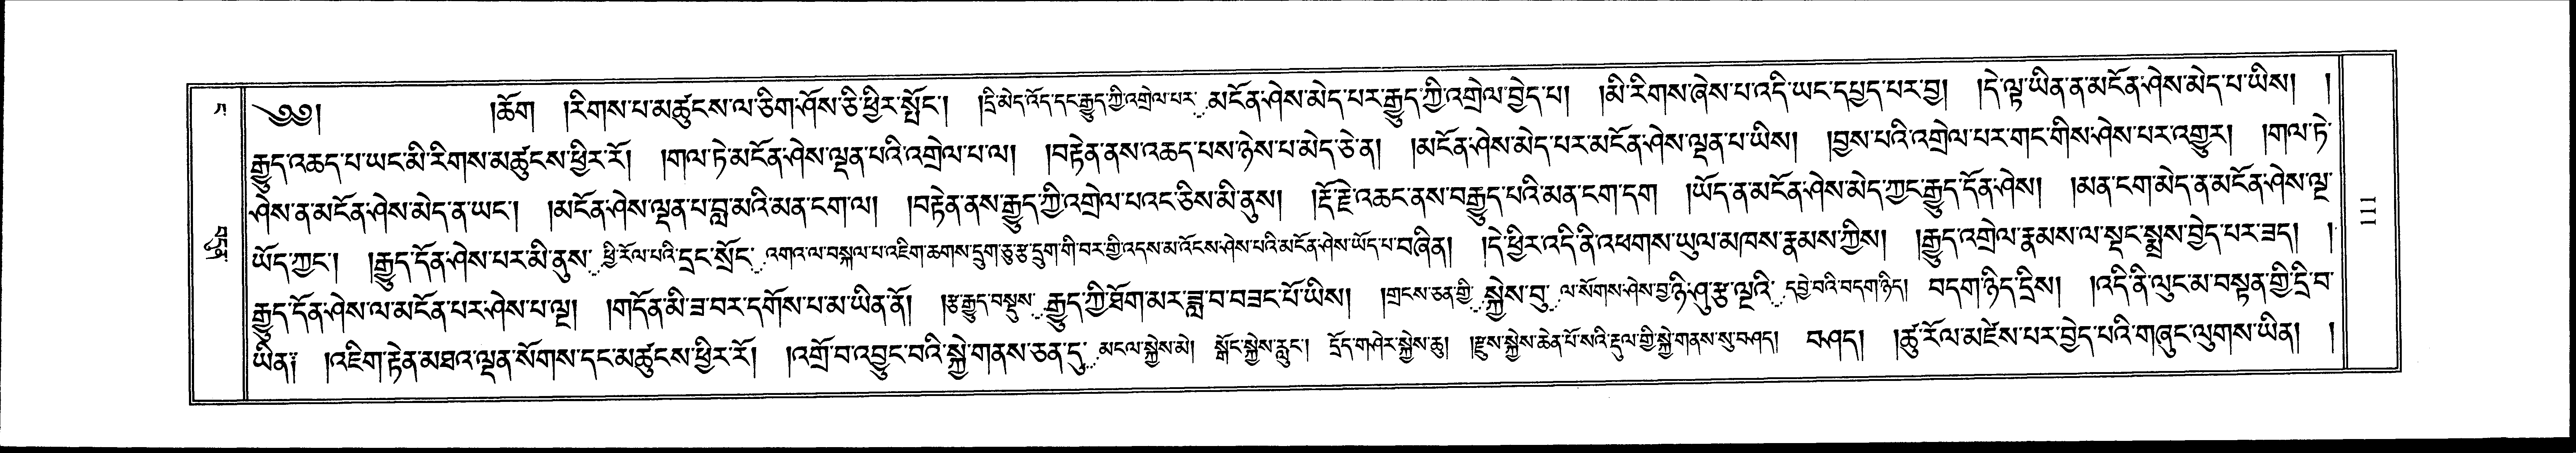༄༅། །ཆོག །རིགས་པ་མཚུངས་ལ་ཅིག་ཤོས་ཅི་ཕྱིར་སྤོང་། །དྲི་མེད་འོད་དང་རྒྱུད་ཀྱི་འགྲེལ་པར་མངོན་ཤེས་མེད་པར་རྒྱུད་ཀྱི་འགྲེལ་བྱེད་པ། །མི་རིགས་ཞེས་པ་འདི་ཡང་དཔྱད་པར་བྱ། །དེ་ལྟ་ཡིན་ན་མངོན་ཤེས་མེད་པ་ཡིས། །
རྒྱུད་འཆད་པ་ཡང་མི་རིགས་མཚུངས་ཕྱིར་རོ། །གལ་ཏེ་མངོན་ཤེས་ལྡན་པའི་འགྲེལ་པ་ལ། །བརྟེན་ནས་འཆད་པས་ཉེས་པ་མེད་ཅེ་ན། །མངོན་ཤེས་མེད་པར་མངོན་ཤེས་ལྡན་པ་ཡིས། །བྱས་པའི་འགྲེལ་པར་གང་གིས་ཤེས་པར་འགྱུར། །གལ་ཏེ་
ཤེས་ན་མངོན་ཤེས་མེད་ན་ཡང་། །མངོན་ཤེས་ལྡན་པ་བླ་མའི་མན་ངག་ལ། །བརྟེན་ནས་རྒྱུད་ཀྱི་འགྲེལ་པའང་ཅིས་མི་ནུས། །རྡོ་རྗེ་འཆང་ནས་བརྒྱུད་པའི་མན་ངག་དག །ཡོད་ན་མངོན་ཤེས་མེད་ཀྱང་རྒྱུད་དོན་ཤེས། །མན་ངག་མེད་ན་མངོན་ཤེས་ལྔ་
ཡོད་ཀྱང་། །རྒྱུད་དོན་ཤེས་པར་མི་ནུས་ཕྱི་རོལ་པའི་དྲང་སྲོང་འགའ་ལ་བསྐལ་པ་འཇིག་ཆགས་དྲུག་ཅུ་རྩ་དྲུག་གི་བར་གྱི་འདས་མ་འོངས་ཤེས་པའི་མངོན་ཤེས་ཡོད་པ་བཞིན། །དེ་ཕྱིར་འདི་ནི་འཕགས་ཡུལ་མཁས་རྣམས་ཀྱིས། །རྒྱུད་འགྲེལ་རྣམས་ལ་སྡང་སྨྲས་བྱེད་པར་ཟད།།
རྒྱུད་དོན་ཤེས་ལ་མངོན་པར་ཤེས་པ་ལྔ། །གདོན་མི་ཟ་བར་དགོས་པ་མ་ཡིན་ནོ། །རྩ་རྒྱུད་བསྡུས་རྒྱུད་ཀྱི་ཐོག་མར་ཟླ་བ་བཟང་པོ་ཡིས། །གྲངས་ཅན་གྱི་སྐྱེས་བུ་ལ་སོགས་ཤེས་བྱ་ཉི་ཤུ་རྩ་ལྔའི་དབྱེ་བའི་བདག་ཉིད། །བདག་ཉིད་དྲིས། །འདི་ནི་ལུང་མ་བསྟན་གྱི་དྲི་བ་
ཡིན། །འཇིག་རྟེན་མཐའ་ལྡན་སོགས་དང་མཚུངས་ཕྱིར་རོ། །འགྲོ་བ་འབྱུང་བའི་སྐྱེ་གནས་ཅན་དུ་མངལ་སྐྱེས་མེ། སྒོང་སྐྱེས་རླུང་། དྲོད་གཤེར་སྐྱེས་ཆུ། །རྫུས་སྐྱེས་ཆེན་པོ་སའི་རྡུལ་གྱི་སྐྱེ་གནས་སུ་བཤད། །བཤད། །ཚུ་རོལ་མཛེས་པར་བྱེད་པའི་གཞུང་ལུགས་ཡིན།།